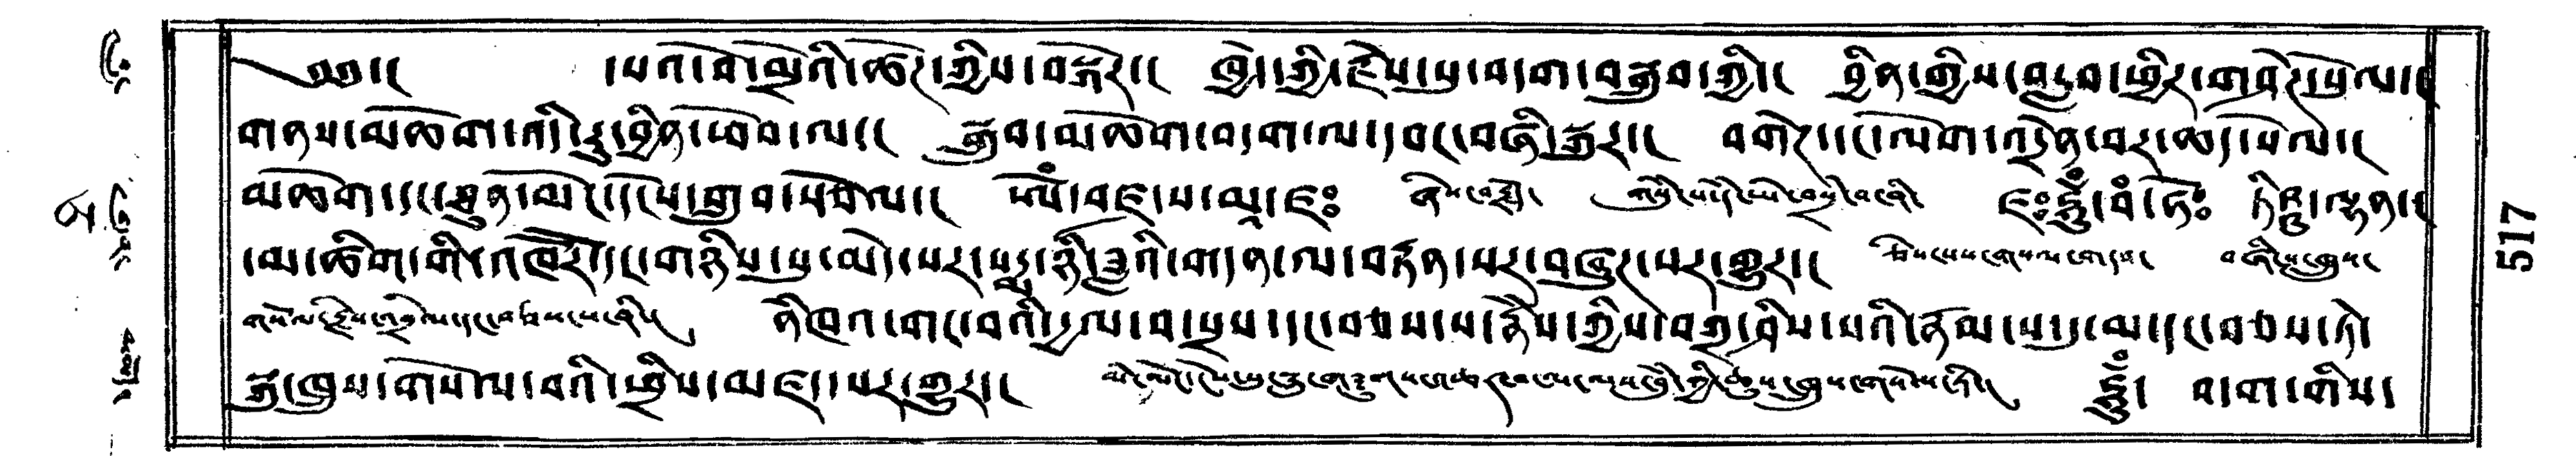།དཔའ་བོ་མཁའ་འགྲོའི་ཚོགས་ཀྱིས་བསྐོར། །ཁྱེད་ཀྱི་རྗེས་སུ་བདག་བསྒྲུབ་ཀྱི། །བྱིན་གྱིས་རློབ་ཕྱིར་གཤེགས་སུ་གསོལ། །
གནས་མཆོག་འདི་རུ་བྱིན་ཕོབ་ལ། །སྒྲུབ་མཆོག་བདག་ལ་དབང་བཞི་སྐུར། །བགེགས་དང་ལོག་འདྲེན་བར་ཆད་སོལ། །
མཆོག་དང་ཐུན་མོང་དངོས་གྲུབ་སྩོལ། ཨོཾ་བཛྲ་ས་མཱ་ཛཿ ཞེས་བརྗོད། གསུམ་པ་དམ་ཡེ་སྲེ་བ་ནི། ཛཿཧཱུྃ་བཾ་ཧོཿ ཏིཥྛ་ལྷན་
དམ་ཚིག་གི་འཁོར་ལོ་དང་གཉིས་སུ་མེད་པར་པདྨ་ཉི་ཟླའི་གདན་ལ་བརྟན་པར་བཞུགས་པར་གྱུར། ཅེས་པས་གསོལ་གདབ། བཞི་པ་ཁྲུས་
གསོལ་རྗེས་འབྲེལ་དང་བཅས་པ་ནི། ནམ་མཁའ་གང་བའི་རྒྱལ་བ་སྲས་དང་བཅས་པ་རྣམས་ཀྱིས་བཀྲ་ཤིས་པའི་རྣམ་པ་དུ་མ་དང་བཅས་ཏེ་
སྐུ་ཁྲུས་གསོལ་བའི་ཕྲིན་ལས་མཛད་པར་གྱུར། མི་ལོང་ངོས་སུ་སྐུ་གཟུགས་འཆར་བ་ལ་ལས་བུམ་གྱི་ཆུས་ཁྲུས་གསོལ་ཏེ། ཧཱུྃ། བདག་གིས་